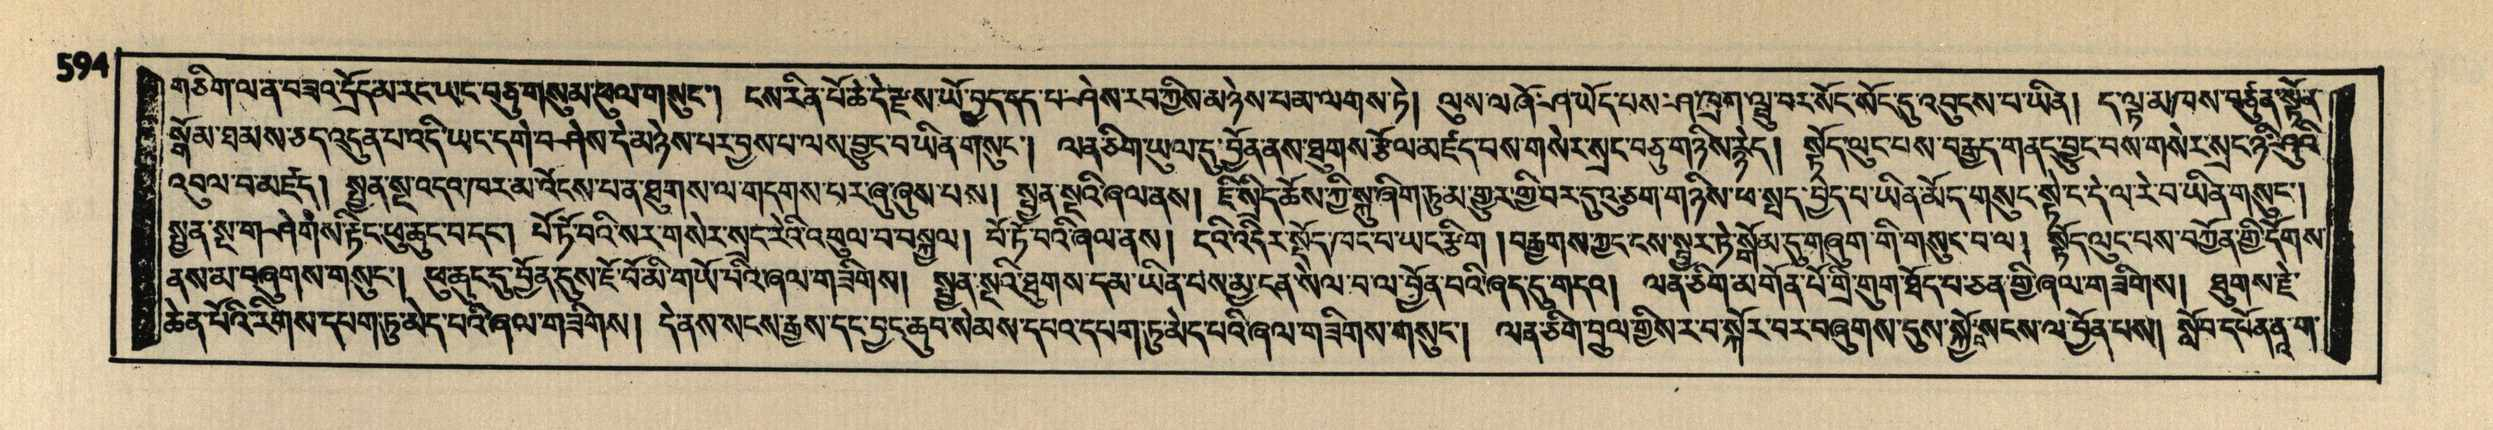གཅིག་ལ་ན་བཟའ་དྲོད་མ་རང་ཡང་བཅུ་གསུམ་ཕུལ་གསུང་། ངས་རིན་པོ་ཆེ་དེ་རྫས་ཡོ་བྱད་དད་པ་ཤེས་རབ་ཀྱིས་མཉེས་པ་མ་ལགས་ཏེ། ལུས་ལ་ཞོ་ཤ་ཡོད་པས་ཤ་ཁྲག་ལྦུ་བར་སོང་སོང་དུ་འབུངས་པ་ཡིན། ད་ལྟ་མཁས་བཙུན་སྟོན་
སྒོམ་ཐམས་ཅད་འདུན་པ་འདི་ཡང་དགེ་བཤེས་དེ་མཉེས་པར་བྱས་པ་ལས་བྱུང་བ་ཡིན་གསུང་། ལན་ཅིག་ཡུལ་དུ་བྱོན་ནས་ཐུགས་རྩོལ་མཛད་བས་གསེར་སྲང་བཅུ་གཉིས་རྙེད། སྟོད་ལུང་པས་བརྒྱད་གནང་བྱུང་བས་གསེར་སྲང་ཉི་ཤུའི་
འབུལ་བ་མཛད། སྤྱན་སྔ་འདའ་ཁར་མ་འོངས་པ་ན་ཐུགས་ལ་གདགས་པར་ཞུ་ཞུས་པས། སྤྱན་སྔའི་ཞལ་ནས། ཇི་སྲིད་ཆོས་ཀྱི་སྐུ་ཞིག་ཏུ་མ་གྱུར་གྱི་བར་དུ་འུ་ཅག་གཉིས་ཕ་སྤད་བྱེད་པ་ཡིན་མོད་གསུང་སྟེ་ང་དེ་ལ་རེ་བ་ཡིན་གསུང་།
སྤྱན་སྔ་གཤེགས་རྟིང་ཕུ་ཆུང་བ་དང་། པོ་ཏོ་བའི་སར་གསེར་སྲང་རེའི་འཕུལ་བ་བསྐྱལ། བོ་ཏོ་བའི་ཞལ་ནས། ངའི་འདིར་སྡོད་ཁང་པ་ཡང་རྩིག །བརྒྱགས་ཀྱང་ངས་སྦྱར་ཏེ་སྒོམ་དུ་གཞུག་གི་གསུང་བ་ལ། སྟོད་ལུང་པས་བཀྱོན་གྱི་དོགས་
ནས་མ་བཞུགས་གསུང་། ཕུ་ཆུང་དུ་བྱོན་དུས་ཇོ་བོ་མི་གཡོ་པའི་ཞལ་གཟིགས། སྤྱན་སྔའི་ཐུགས་དམ་ཡིན་པས་མྱ་ངན་སེལ་བ་ལ་བྱོན་བའི་ཞད་དུ་གདའ། ལན་ཅིག་མགོན་པོ་གྲི་གུག་ཐོད་པ་ཅན་གྱི་ཞལ་གཟིགས། ཐུགས་རྗེ་
ཆེན་པོའི་རིགས་དཔག་ཏུ་མེད་པའི་ཞལ་གཟིགས། དེ་ནས་སངས་རྒྱས་དང་བྱང་ཆུབ་སེམས་དཔའ་དཔག་ཏུ་མེད་པའི་ཞལ་གཟིགས་གསུང་། ལན་ཅིག་བྲུལ་གྱིས་ར་བ་སྐོར་བར་བཞུགས་དུས་སྐྱོབ་སངས་ལ་བྱོན་པས། སློབ་དཔོན་ནཱ་ག་